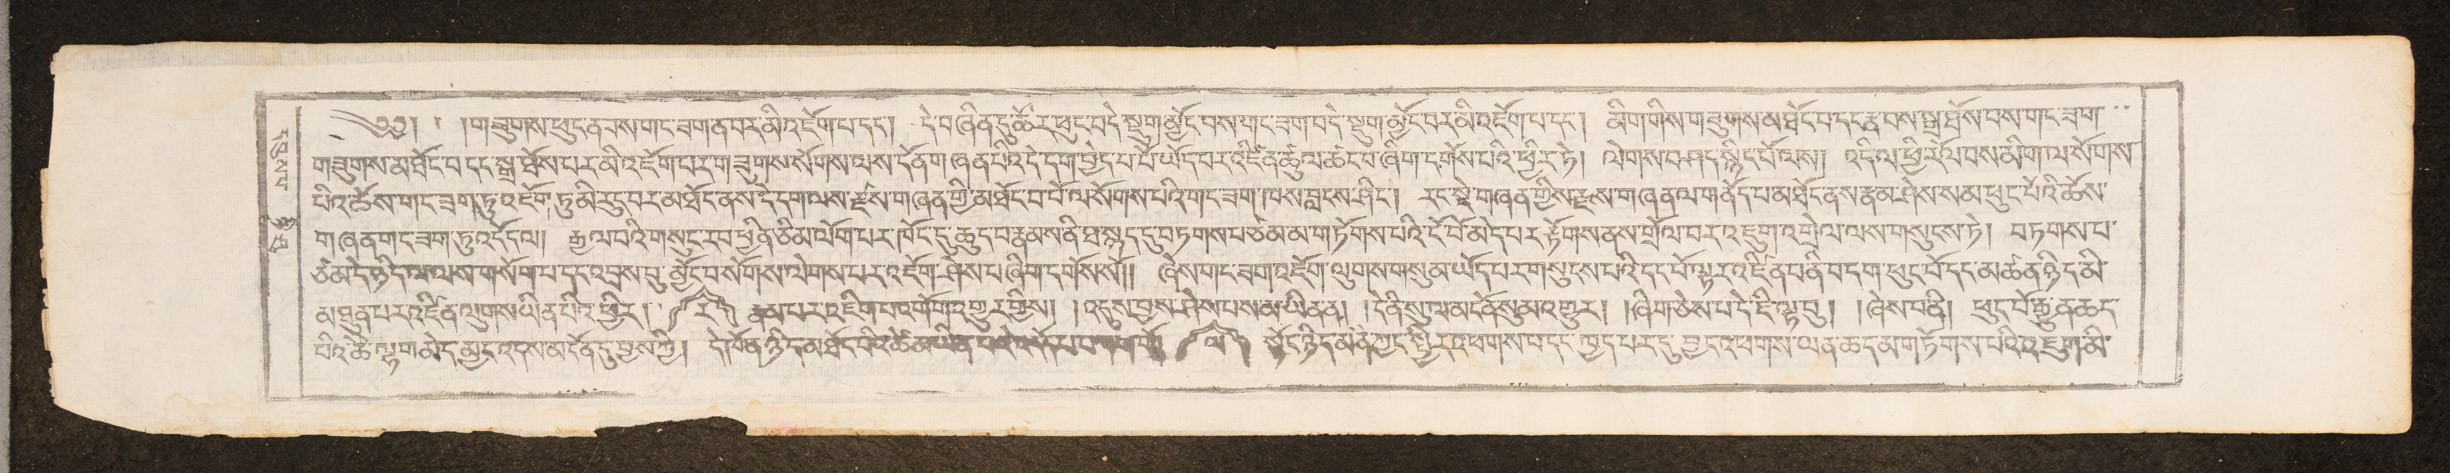༄༅། །གཟུགས་ཕུང་ན་བས་གང་ཟག་ན་བར་མི་འཇོག་པ་དང་། དེ་བཞིན་དུ་ཚོར་ཕུང་བདེ་སྡུག་མྱོང་བས་གང་ཟག་བདེ་སྡུག་མྱོང་བར་མི་འཇོག་པ་དང་། མིག་གིས་གཟུགས་མཐོང་བ་དང་རྣ་བས་སྒྲ་ཐོས་པས་གང་ཟག་
གཟུགས་མཐོང་བ་དང་སྒྲ་ཐོས་པར་མི་འཇོག་པར་གཟུགས་སོགས་ལས་དོན་གཞན་པའི་དེ་དག་བྱེད་པ་པོ་ཡོད་པར་འཛིན་ཚུལ་ཚང་བ་ཞིག་དགོས་པའི་ཕྱིར་ཏེ། ལེགས་བཤད་སྙིང་པོ་ལས། འདི་ལ་ཕྱི་རོལ་པས་མིག་ལ་སོགས་
པའི་ཆོས་གང་ཟག་ཏུ་འཇོག་ཏུ་མི་རུད་བར་མཐོང་ནས་དེ་དག་ལས་རྫས་གཞན་གྱི་མཐོང་བ་པོ་ལ་སོགས་པའི་གང་ཟག་ཁས་བླངས་ཤིང་། རང་སྡེ་གཞན་གྱིས་རྫས་གཞན་ལ་གནོད་པ་མཐོང་ནས་རྣམ་ཤེས་སམ་ཕུང་པོའི་ཆོས་
གཞན་གང་ཟག་ཏུ་འདོད་ལ། རྒྱལ་བའི་གསུང་རབ་ཕྱིན་ཅིམ་ལོག་པར་ཁོང་དུ་ཆུད་པ་རྣམས་ནི་ཐ་སྙད་དུ་བཏགས་པ་ཙམ་མ་གཏོགས་པའི་ངོ་བོ་མེད་པར་རྟོགས་ནས་གྲོལ་བར་འཇུག་འགྲེལ་ལས་གསུངས་ཏེ། བཏགས་པ་
ཙམ་དེ་ཉིད་ལ་ལས་གསོག་པ་དང་འབྲས་བུ་མྱོང་བ་སོགས་ལེགས་པར་འཇོག་ཤེས་པ་ཞིག་དགོས་སོ།། ཞེས་གང་ཟག་འཇོག་ལུགས་གསུམ་ཡོད་པར་གསུངས་པའི་དང་པོ་ལྟར་འཛིན་པ་ནི་བདག་ཕུང་པོ་དང་མཚན་ཉིད་མི་
མཐུན་པར་འཛིན་ལུགས་ཡིན་པའི་ཕྱིར། ༼༽ར༼༽ རྣམ་པར་འཇིག་པ་འགོག་འགྱུར་གྱིས། །འདུས་བྱས་ཤེས་པས་མ་ཡིན་ན། །དེ་ནི་སུ་ལ་མངོན་སུམ་འགྱུར། །ཞིག་ཅེས་པ་དེ་ཇི་ལྟ་བུ། །ཞེས་པ་ནི། ཕུང་པོ་རྒྱུན་ཆད་
པའི་ཆེ་ལྷག་མེད་མྱང་འདས་མངོན་དུ་བྱས་ཀྱི། དེ་ཁོ་ན་ཉིད་མཐོང་བའི་ཚེམ་ཡིན་པའི་འདོད་པ་བཀག་གོ། ༼༽ལ༼༽ སྟོང་ཉིད་མིན་ཀྱང་སྤྱིར་འཕགས་པ་དང་ཁྱད་པར་དུ་བྱང་འཕགས་ཡན་ཆད་མ་གཏོགས་པའི་འཇུག་མི་